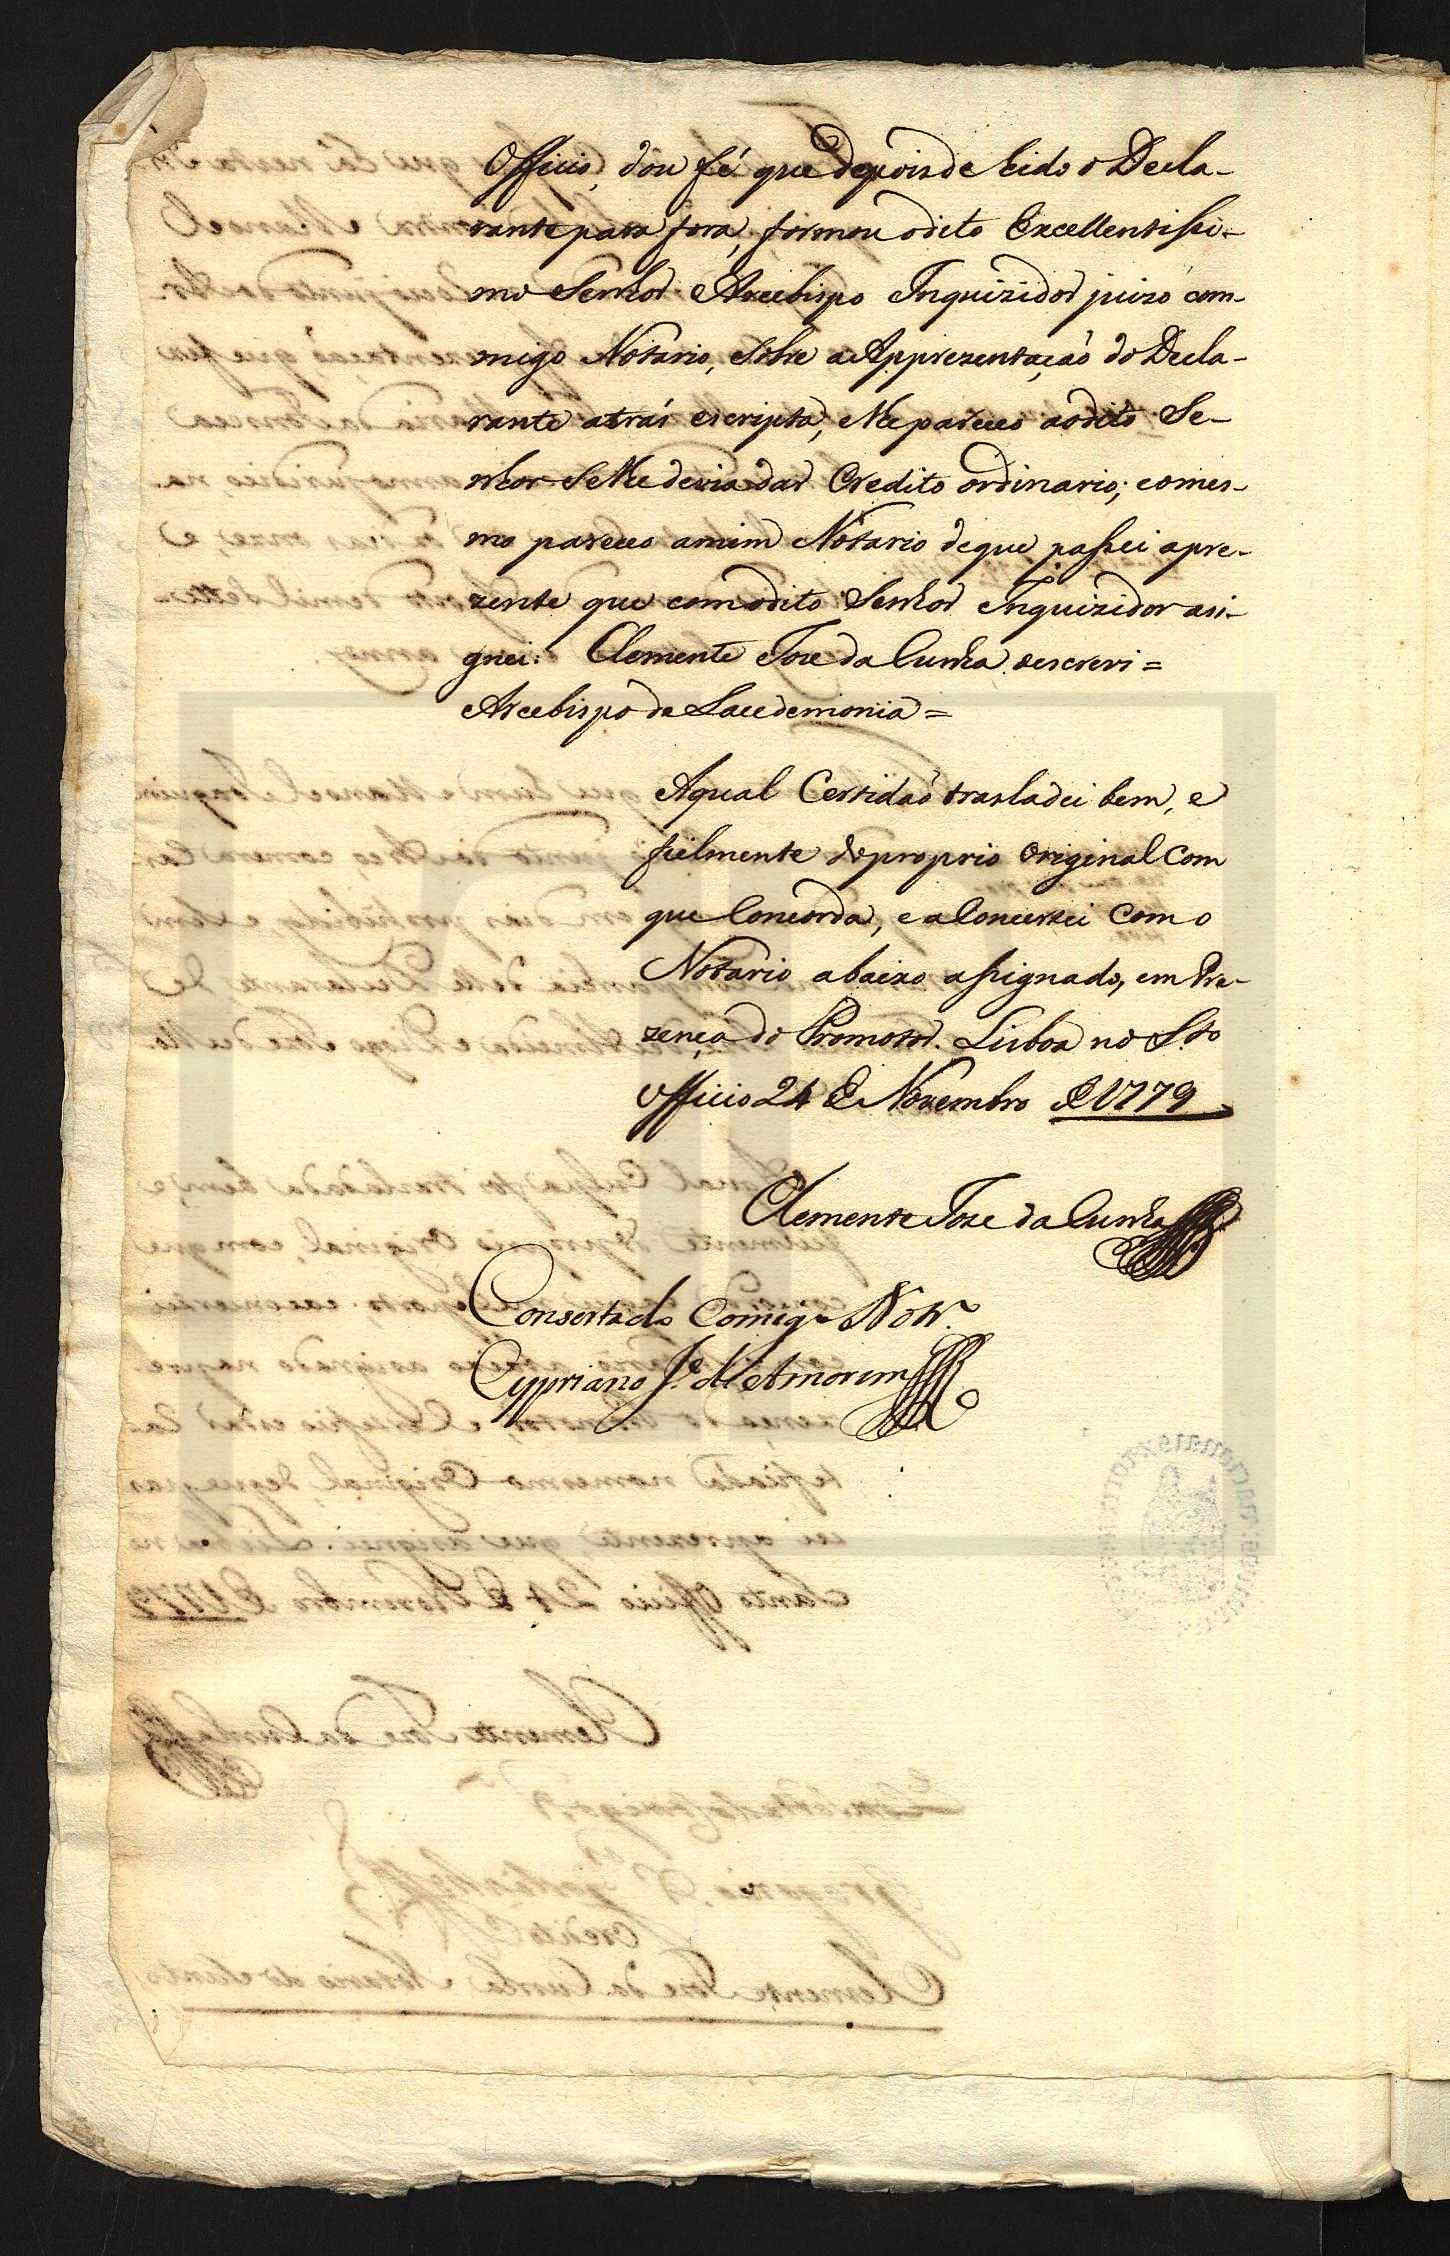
Officio, dou fé que depois de hido o Decla
rante para fora formou o dito Excellentissi
mo Senhor Arcebispo Inquizidor juizo com
migo Notario, Sobre a Apprezentaçaõ do Decla
rante atrás escripto, e lhe pareceo ao dito Se
nhor Se lhe devia dar Credito ordinario; e o mes
mo pareceo a mim Notario de que passei a pre
zente que com o dito Senhor Inquizidor asi
gnei: Clemente Ioze da Cunha o escrevi
Arcebispo de Lacedemonia=
A qual Certidaõ trasladei bem, e
fielmente do proprio original com
que Concorda, e a Concertei Com o
Notario abaixo assignado, em Pre
zença do Promotor. Lisboa no S.to
Officio 24 d̄ Novembro d̄ 1779
Clemente Ioze da Cunha
Consertado Comigo Notr.o
Cypriano Je de Amorim
